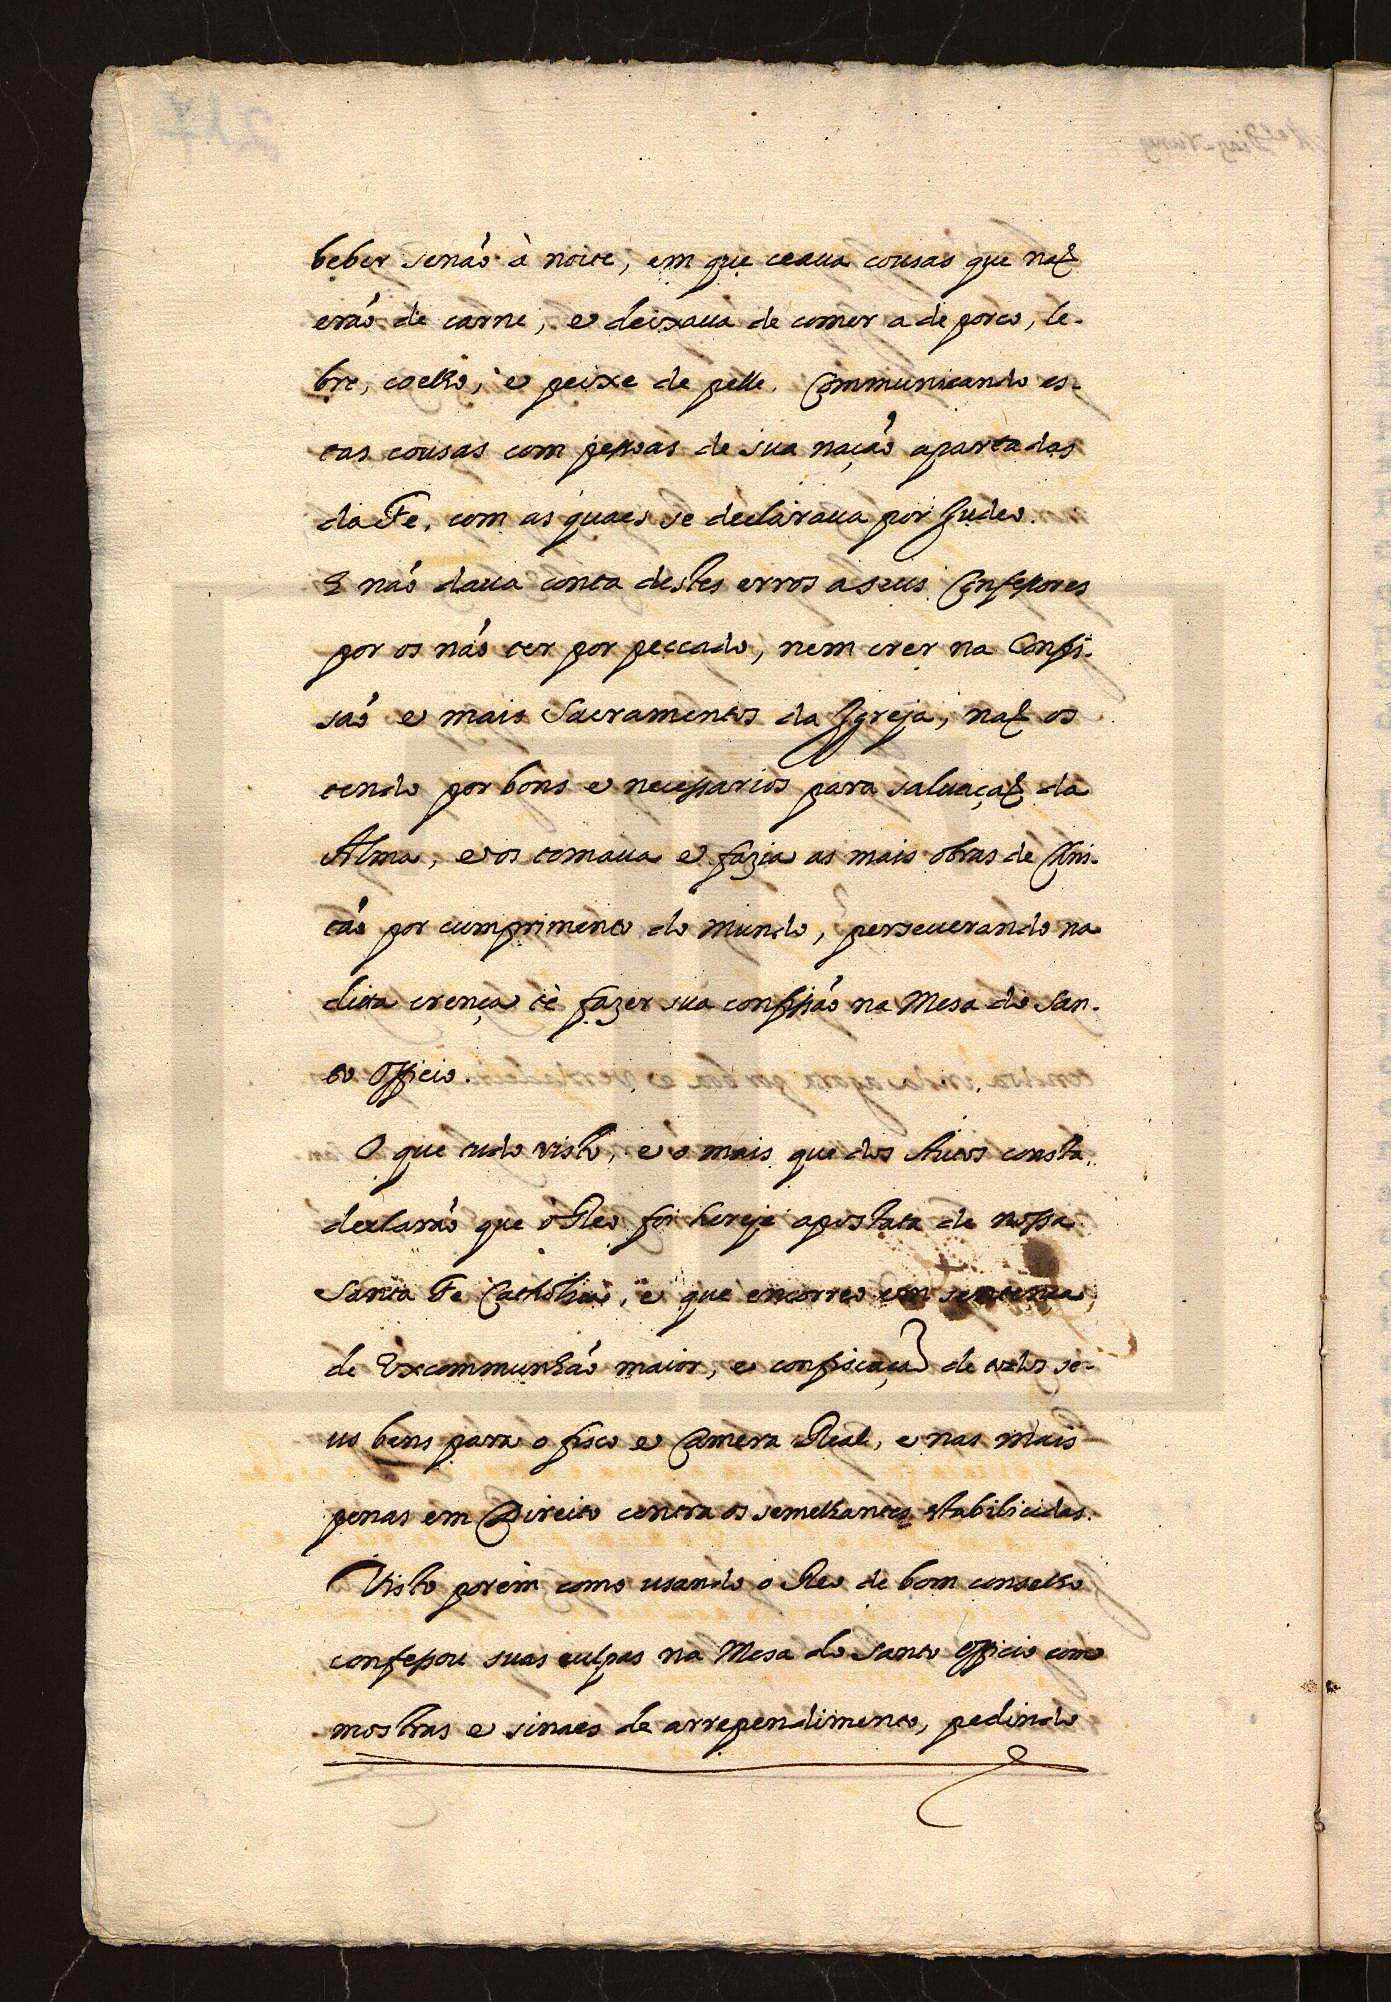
beber senaõ à noite, em que ceaua cousas que naõ
eraõ de carne, e deixaua de comer a de porco, le
bre, coelho, e peixe de pelle. Communicando es
tas cousas com pessoas de sua naçaõ apartadas
da Fe, com as quaes se declaraua por Judeo.
E naõ daua conta destes erros a seus Confessores
por os naõ ter por peccado, nem crer na Confi
saõ e mais sacramentos da Jgreja, naõ os
tendo por bons e necessarios para saluaçaõ da
Alma, e os tomaua e fazia as mais obras de Chris
taõ, por cumprimento do mundo, perseuerando na
ditta crença tè fazer sua cofissaõ na Mesa do san
to Officio.
O que tudo visto, e o mais que dos Autos consta,
declaraõ que o Reo foi hereje apostata de nossa
santa Fe Catholica, e que encorreo em sentença
de Excomunhaõ maior, e confiscação de todos se
us bens para o fisco e Camera Real, e nas mais
penas em Direito contra os semelhantes estabilicidas.
Visto porem como usando o Reo de bom conselho
confessou suas culpas na Mesa do santo officio com
mostras e sinaes de arrependimento, pedindo
